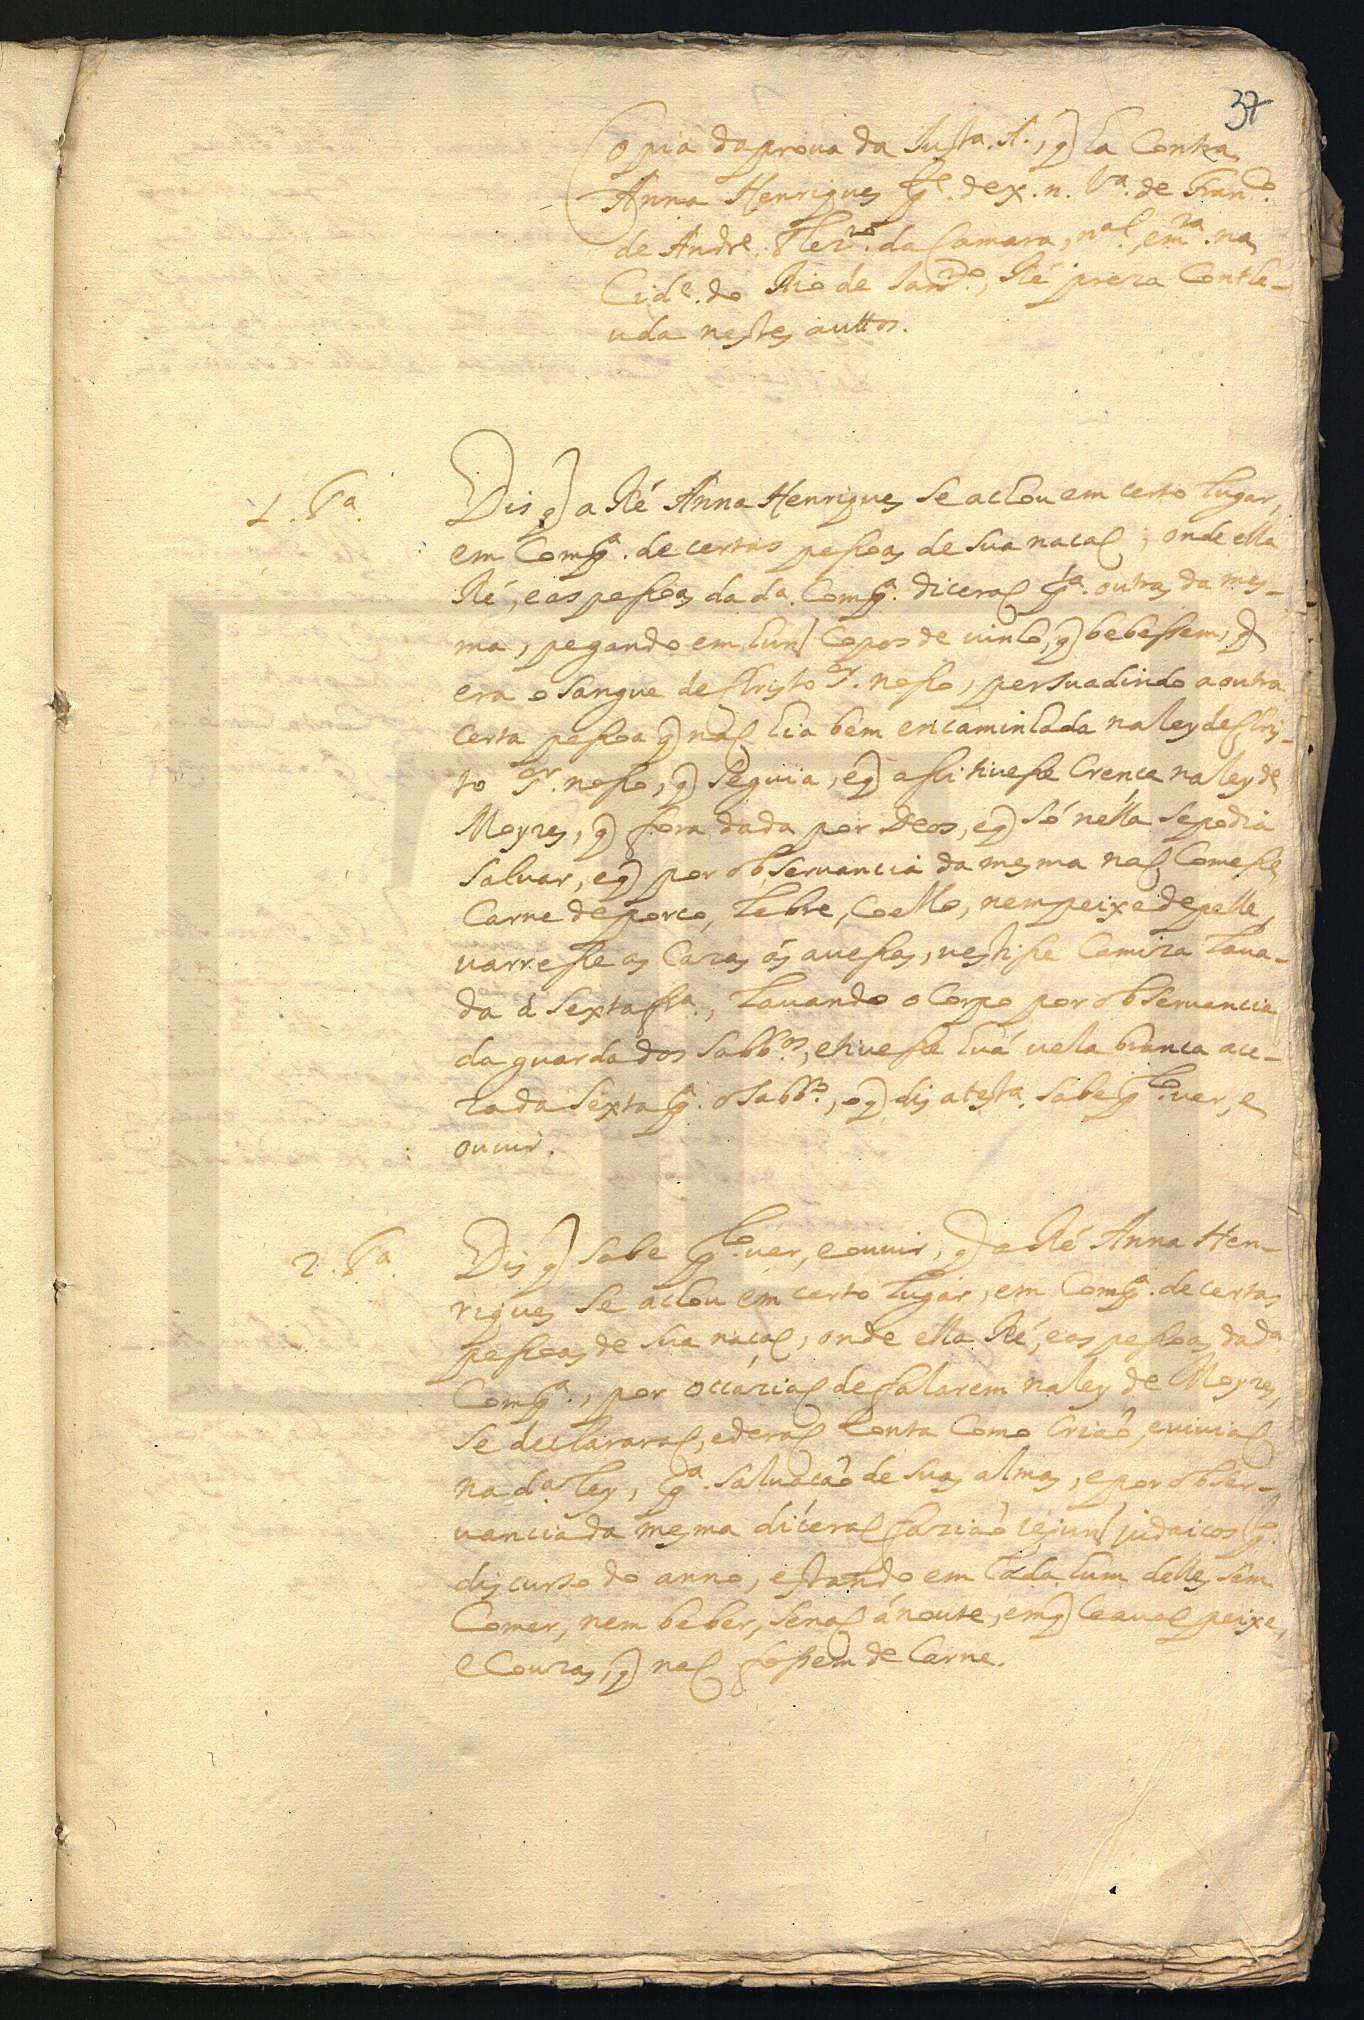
Copia da proua da Iusta A., q̄ ha Contra
Anna Henriques pte. de x. n. V.a de Fran.Co
de Andre Thez.o da Camara, nal e mra. na
Cide. do Rio de Ian.ro, Ré preza Conthe
uda nestes auttos.
1. Ta.
Dis q̄ a Ré Anna Henriques se achou em certo lugar,
em Compa. de certas pessoas de sua naçā, onde ella
Ré, e as pessoas da da. Comp.a dicerā p.a. outras da mes
ma, pegando em huns Copos de uinho, q̄ bebessem, q̄
era o sangue de Christo sor. nosso, persuadindo a outra
certa pessoa q̄ nā hia bem encaminhada na ley de Chris
to sor. nosso, q̄ seguia, e q̄ assi tiuesse crença na ley de
Moyzes, q̄ fora dada por Deos, e q̄ só nella se podia
saluar, e q̄ por obseruancia da mesma nā Comesse
Carne de porco, Lebre, Coelho, nem peixe de pelle
uarresse as Cazas ás auessas, uestisse Camiza Laua
da á Sexta fr.a, Lauando o Corpo por obseruancia
da guarda dos sabb.os, e tivesse huā uela branca ace
za da Sexta p.a o Sabb.o, e q̄ dis a testa. sabe plo. ver, e
ouuir.
2. Ta
Dis q̄ sabe p.lo uer, e ouuir, q̄ da Ré Anna Hen
riques se achou em certo Lugar, em Comp.a de certas
pessoas de sua naçā, onde ella Ré, e as pessoas da da
Comp.a, por occaziā de falarem na ley de Moyzes
se declararā, e derā Conta Como criaõ, e uiuiā
na d.a ley, pa saluaçaõ de suas almas, e por obser
uancia da mesma dicerā faziaõ iejuns judaicos plo
discurso do anno, estando em Cada hum delles sem
Comer, nem beber, senā á noute, em q̄ Ceauā peixe,
e Couzas, q̄ nā fossem de Carne.
